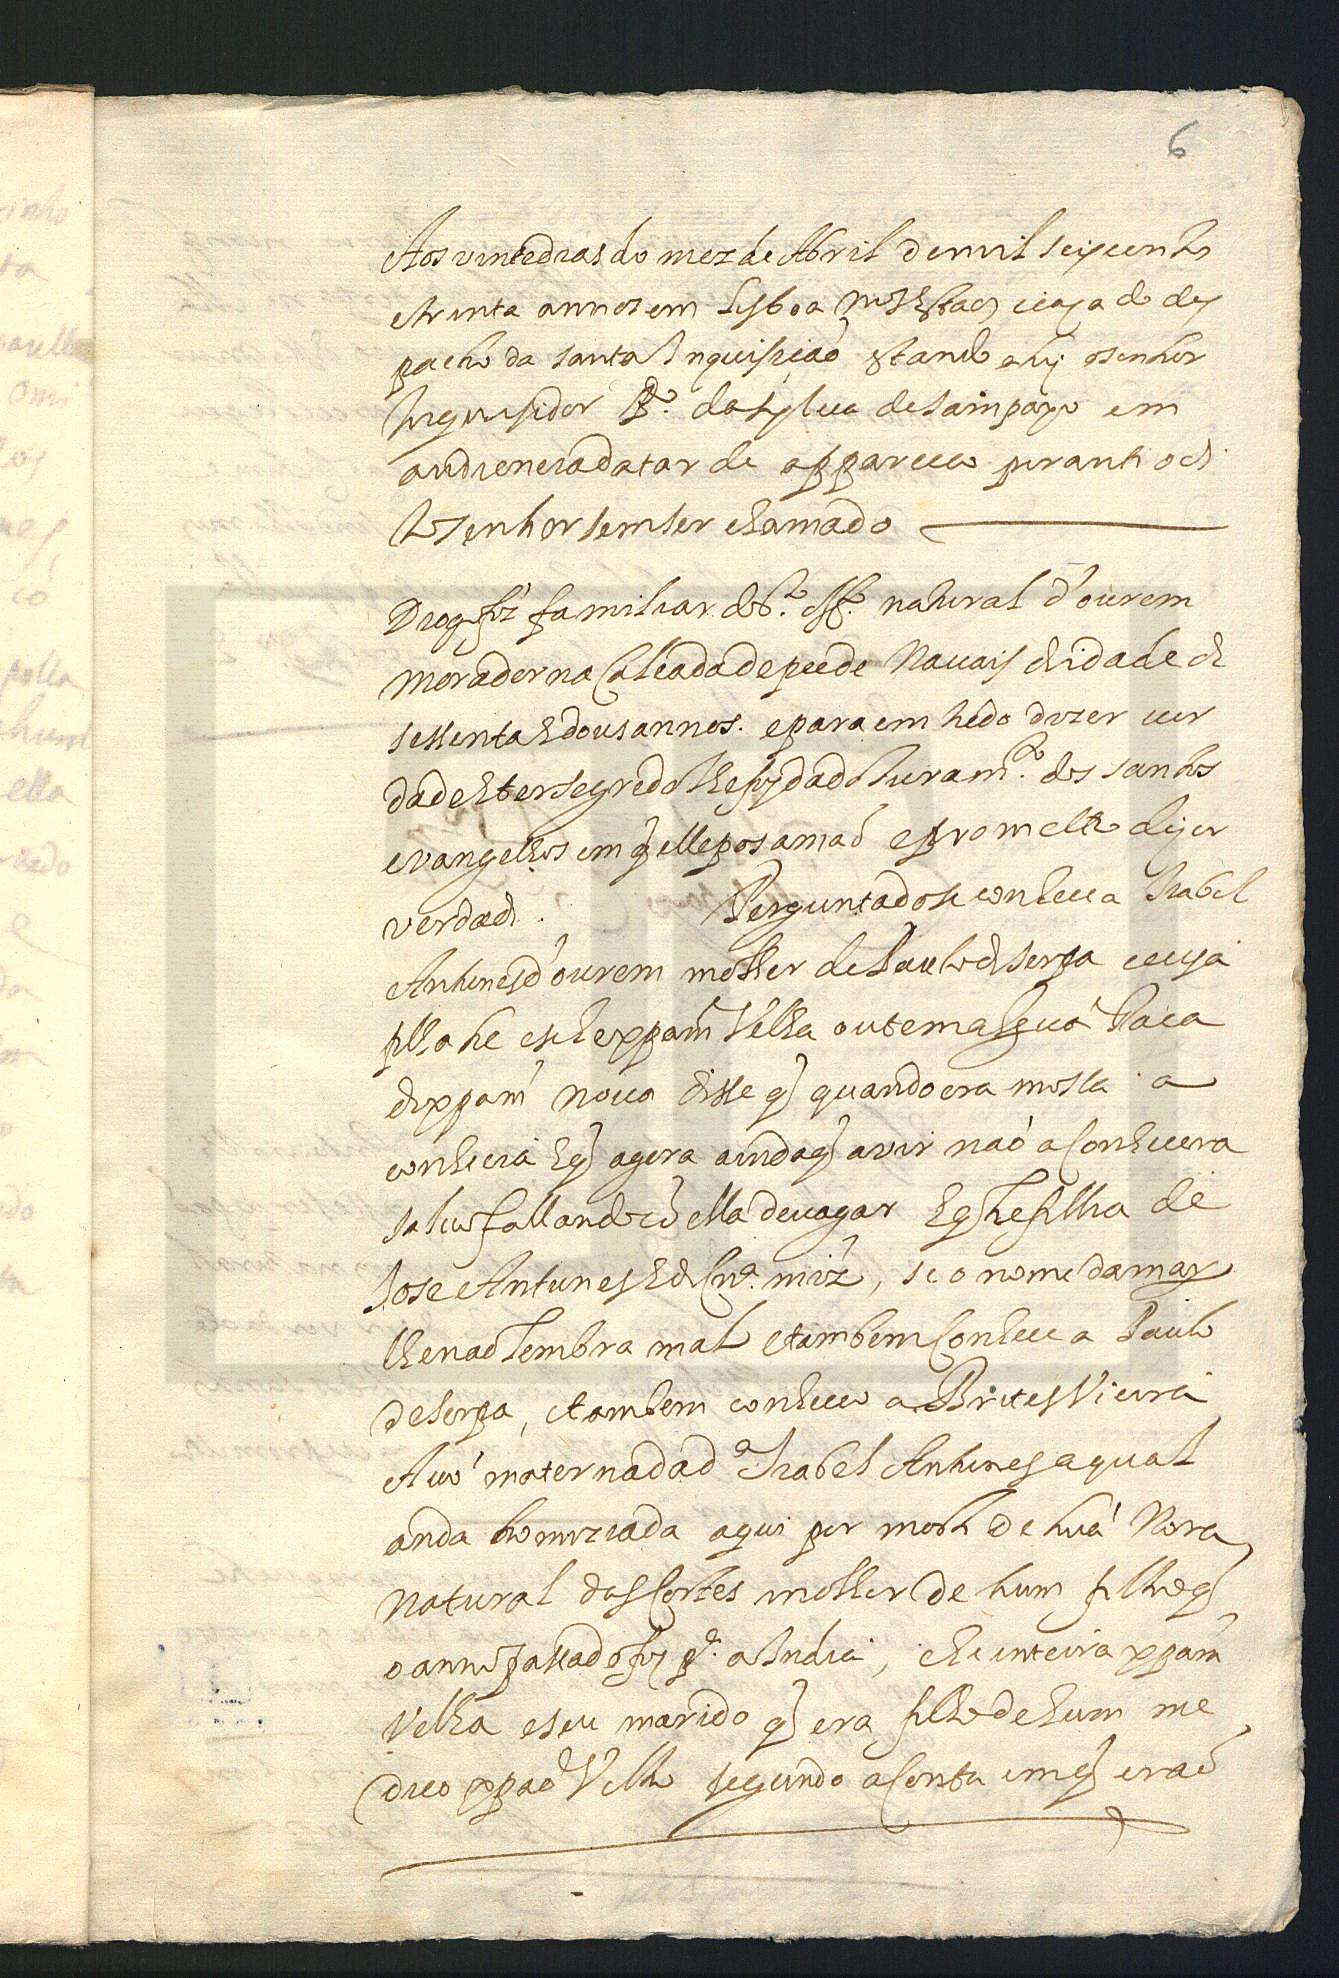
Aos vinte dias do mez de Abril de mil seiscentos
e trinta annos em Lisboa nos Estaos e caza do des
pacho da santa Inquisiçaõ estando ahy o senhor
Inquisidor Po. da sylua de sampayo em
audiencia da tarde appareceo perante o di
to senhor sem ser chamado
Diogo frz̄ familiar do s.to off.o natural d'ourem
morador na Calçada de pee de nauais didade de
sessenta E dous annos; e para em tudo dizer uer
dade E ter segredo lhe foy dado Iuram.to dos santos
evangelhos em q̄ elle pos a maõ e prometto dizer
verdad. Perguntado se conhecia Izabel
Antunes d'ourem molher de Paulo d serpa cuya
filha he e se he xpam̄ Velha ou tem alguā Raça
de xpam̄ noua disse q̄ quando era mossa a
conhecia E q̄ agora ainda q̄ a vir naõ a Conhecera
saluo fallando cō ella deuagar E q̄ he filha de
Ioze Antunes E d Cna. miz̄, se o nome da may
lhe naõ lembra maL e tambem Conhece a Paulo
de Serpa, e tambem conheceo a Brites Vieira
Auó materna da da Izabel Antunes a qual
anda homiziada aqui por morte de huā nora
natural das Cortes molher de hum filho q̄
o anno passado foy p.a a India; e he inteira xpam̄
velha e seu marido q̄ era filho de hum me
dico xpaõ Velho segundo a Conta em q̄ eraõ
